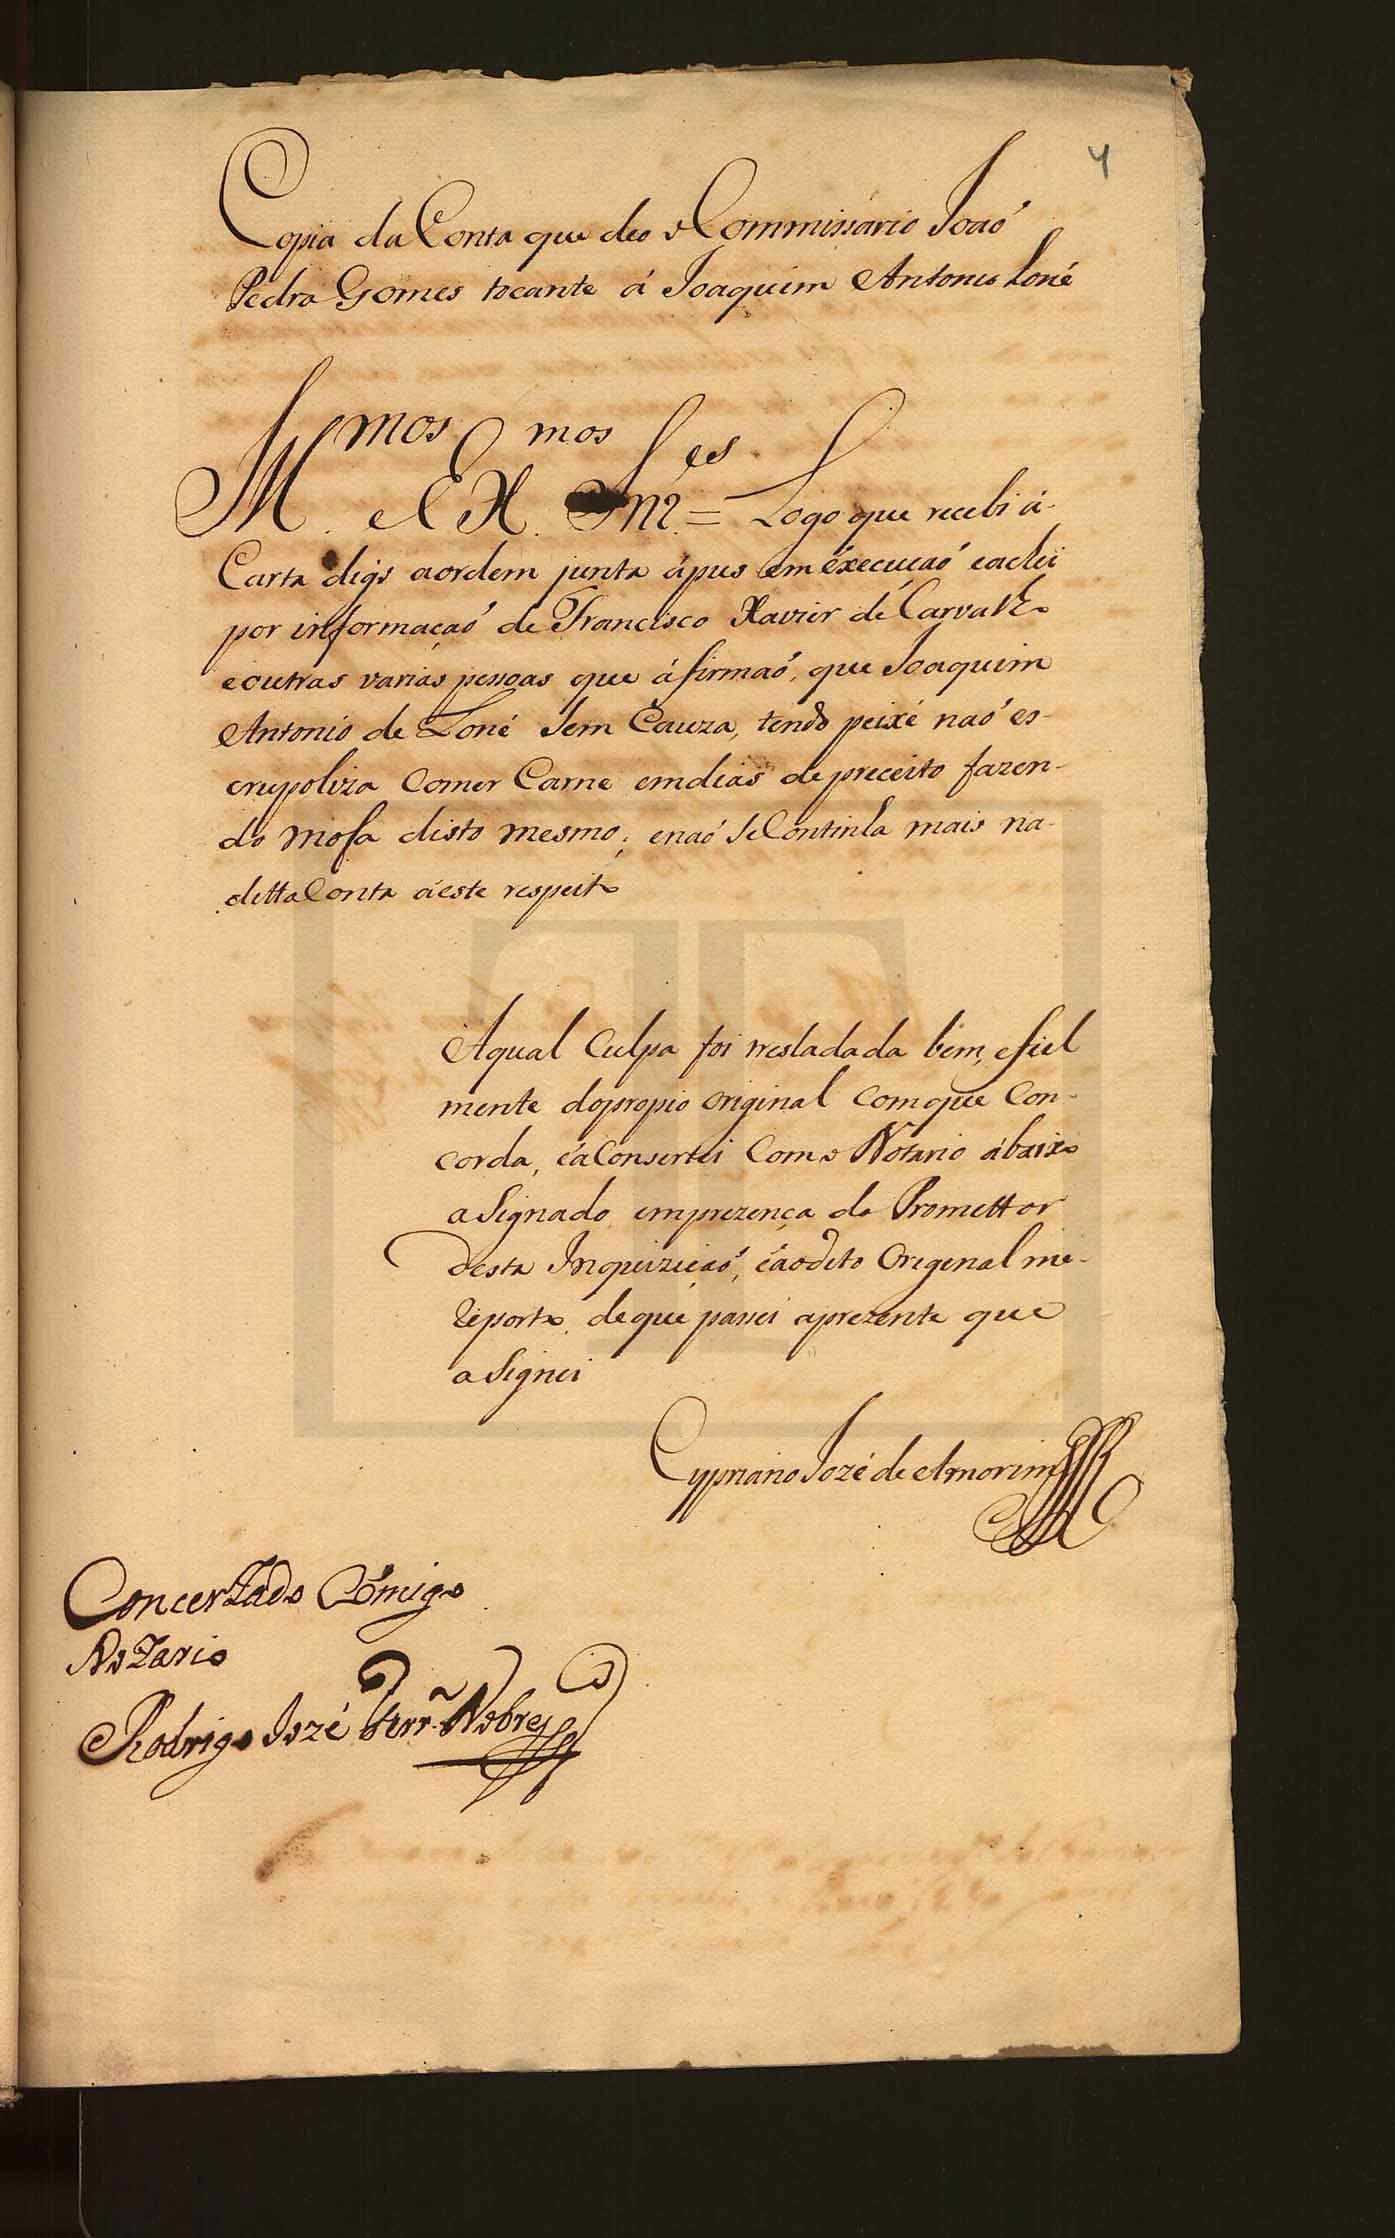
Copia da Conta que deo o Commissario Ioaõ
Pedro Gomes tocante á Ioaquim Antonio Loné
Illmos e EX.mos- Snr.es= Logo que recebi á
Carta digo a ordem junta á pus em execuçaõ e achei
por informaçaõ de Francisco Xavier de Carvalho
e outras varias pessoas que áfirmaõ, que Ioaquim
Antonio de Loné Sem Cauza, tendo peixe naõ es
crupoliza comer Carne em dias de preceito fazen
do mofa disto mesmo; e naõ se Continha mais na
ditta conta á este respeito
A qual Culpa foi tresladada bem, e fiel
mente do propio original com que con
corda, e a Consertei Com o Notario abaixo
aSignado em prezença do Promettor
desta Inquiziçaõ, e ao dito Original me
Reporto, de que passei a prezente que
aSignei
Cypriano Iozé de Amorim
Concertado Cōmigo
Notario
Rodrigo Iozé Ferr.a Nobre
